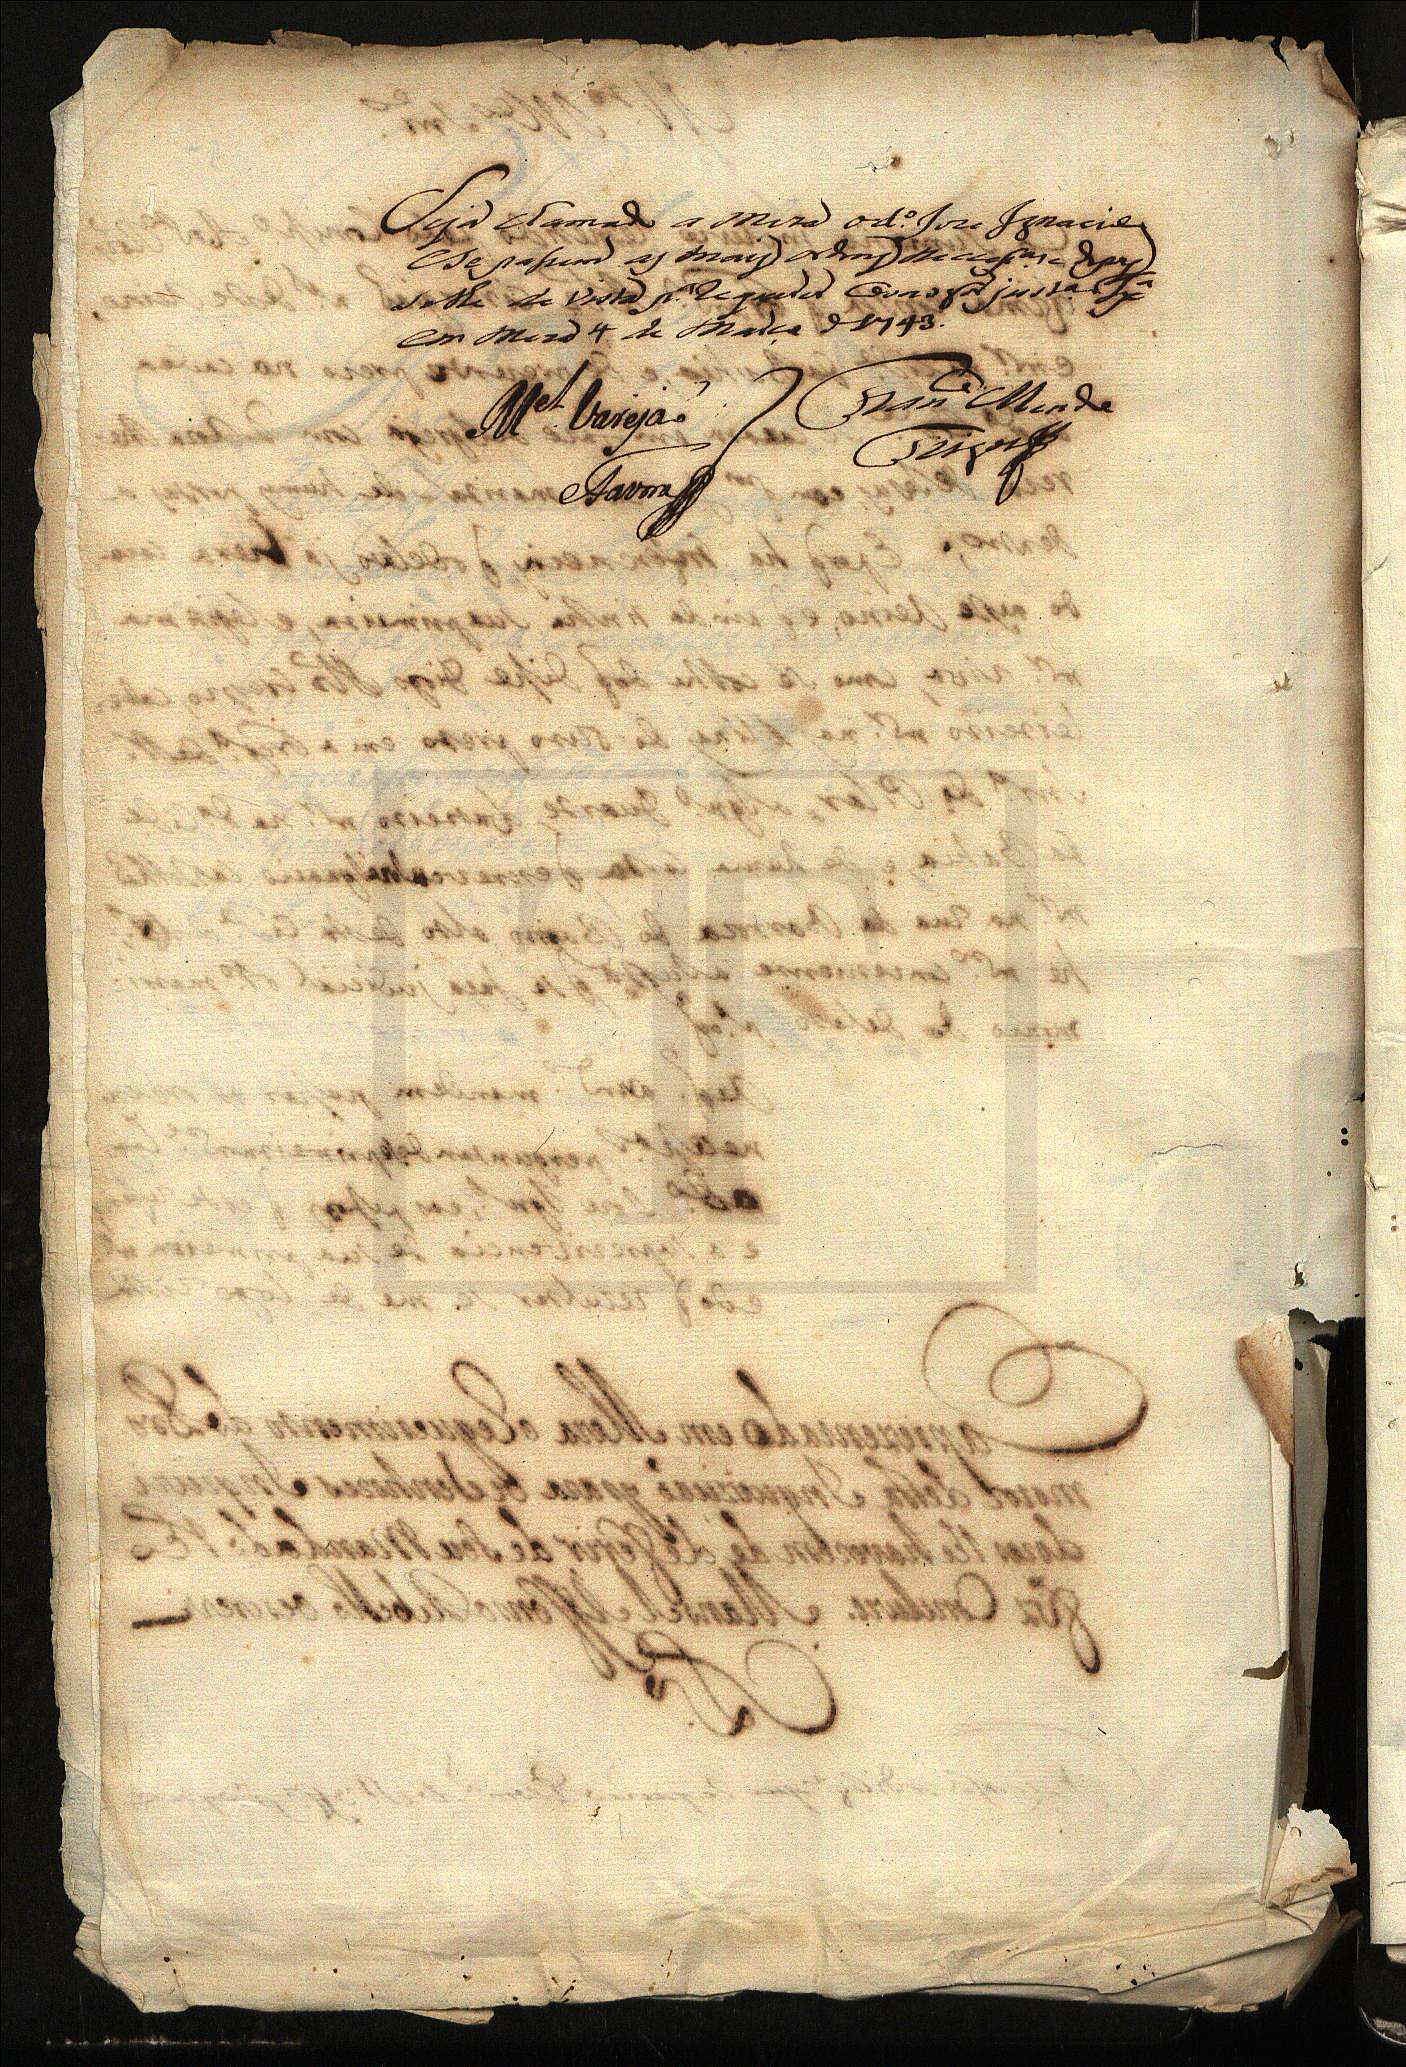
Seja chamado a meza o d.o Joze Ignacio
e se passem as mais ordens necess.as depos
selhe de vista p.a Requerer Como for just.a Lxa
em meza 4 de março d 1743
M.el Varejaõ
Franco Mende
Tavora
